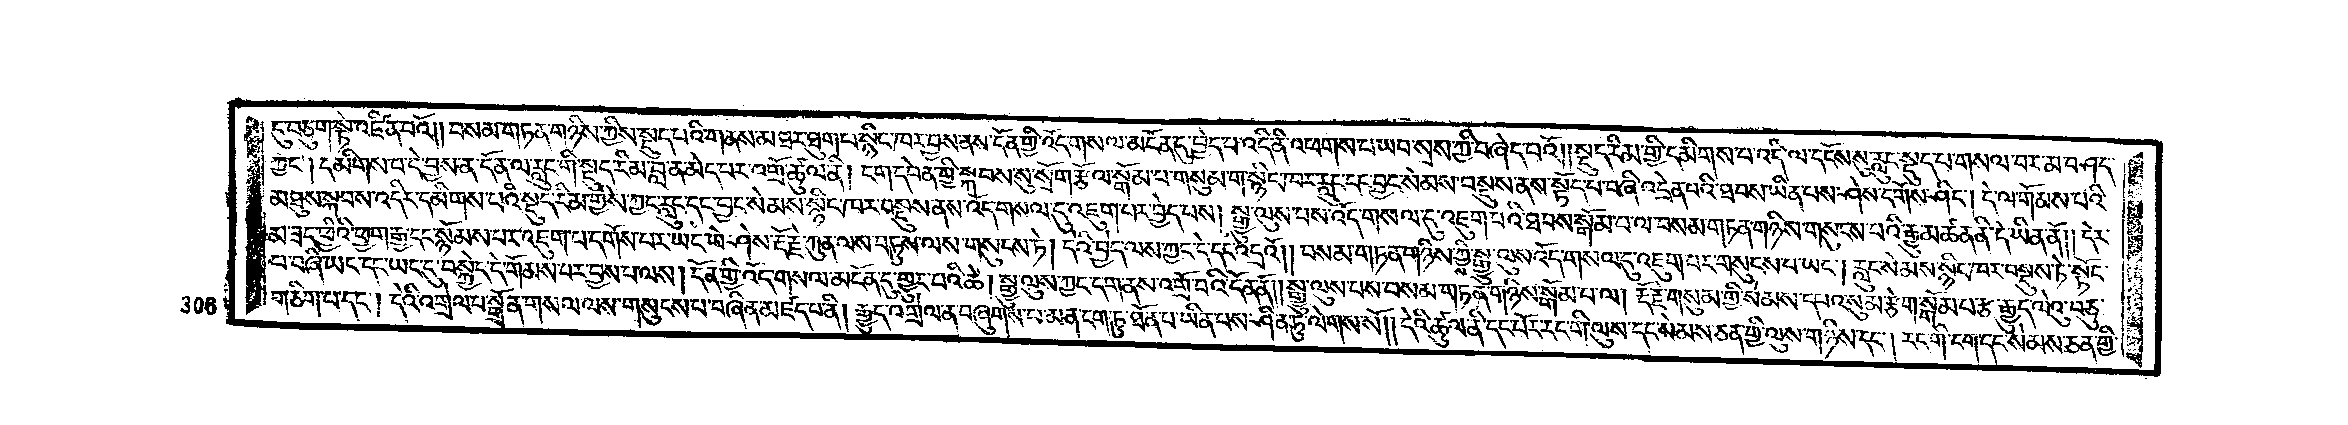དུ་བཅུག་སྟེ་འཛིན་པའོ། །བསམ་གཏན་གཉིས་ཀྱིས་སྡུད་པའི་གནས་མཐར་ཐུག་པ་སྙིང་ཁར་བྱས་ནས་དོན་གྱི་འོད་གསལ་མངོན་དུ་བྱེད་པ་འདི་ནི་འཕགས་པ་ཡབ་སྲས་ཀྱི་བཞེད་པའོ། །སྡུད་རིམ་གྱི་དམིགས་པ་འདི་ལ་དངོས་སུ་རླུང་སྡུད་པ་གསལ་བར་མ་བཤད་
ཀྱང་། དམིགས་པ་དེ་བྱས་ན་དོན་ལ་རླུང་གི་སྡུད་རིམ་བླ་ན་མེད་པར་འགྲོ་ཚུལ་ནི། ངག་དབེན་གྱི་སྐབས་སུ་སྲོག་རྩོལ་སྒོམ་པ་གསུམ་ག་སྙིང་ཁར་རླུང་དང་བྱང་སེམས་བསྡུས་ནས་སྟོད་པ་བཞི་འདྲེན་པའི་ཐབས་ཡིན་པས་ཤེས་དགོས་ཤིང་། དེ་ལ་གོམས་པའི་
མཐུས་སྐབས་འདིར་དམིགས་པའི་སྡུད་རིམ་གྱིས་ཀྱང་རླུང་དང་བྱང་སེམས་སྙིང་ཁར་བསྡུས་ནས་འོད་གསལ་དུ་འཇུག་པར་བྱེད་པས། སྒྱུ་ལུས་པས་འོད་གསལ་དུ་འཇུག་པའི་ཐབས་སྒོམ་པ་ལ་བསམ་གཏན་གཉིས་གསུངས་པའི་རྒྱུ་མཚན་ནི་དེ་ཡིན་ནོ། །དེར་
མ་ཟད་ཕྱིའི་ཕྱག་རྒྱ་དང་སྙོམས་པར་འཇུག་པ་དགོས་པར་ཡང་ཡེ་ཤེས་རྡོ་རྗེ་ཀུན་ལས་བཏུས་ལས་གསུངས་ཏེ། དེའི་བྱེད་ལས་ཀྱང་དེ་དང་འདྲའོ། །བསམ་གཏན་གཉིས་ཀྱིས་སྒྱུ་ལུས་འོད་གསལ་དུ་འཇུག་པར་གསུངས་པ་ཡང་། རླུང་སེམས་སྙིང་ཁར་བསྡུས་ཏེ་སྟོང་
པ་བཞི་ཡང་དང་ཡང་དུ་བསྐྱེད་དེ་གོམས་པར་བྱས་པ་ལས། དོན་གྱི་འོད་གསལ་མངོན་དུ་གྱུར་པའི་ཚེ། སྒྱུ་ལུས་ཀྱང་དག་ནས་འགྲོ་བའི་དོན་ནོ། །སྒྱུ་ལུས་པས་བསམ་གཏན་གཉིས་སྒོམ་པ་ལ། རྡོ་རྗེ་གསུམ་གྱི་སེམས་དཔའ་སུམ་རྩེག་སྒོམ་པ་རྩ་རྒྱུད་ལེའུ་བཅུ་
གཅིག་པ་དང་། དེའི་འགྲེལ་པ་སྒྲོན་གསལ་ལས་གསུངས་པ་བཞིན་མཛད་པ་ནི། རྒྱུད་འགྲེལ་ན་བཞུགས་པ་མན་ངག་ཏུ་ཐོན་པ་ཡིན་པས་ཤིན་ཏུ་ལེགས་སོ། །དེའི་ཚུལ་ནི་དང་པོར་རང་གི་ལུས་དང་སེམས་ཅན་གྱི་ལུས་གཉིས་དང་། རང་གི་ངག་དང་སེམས་ཅན་གྱི་